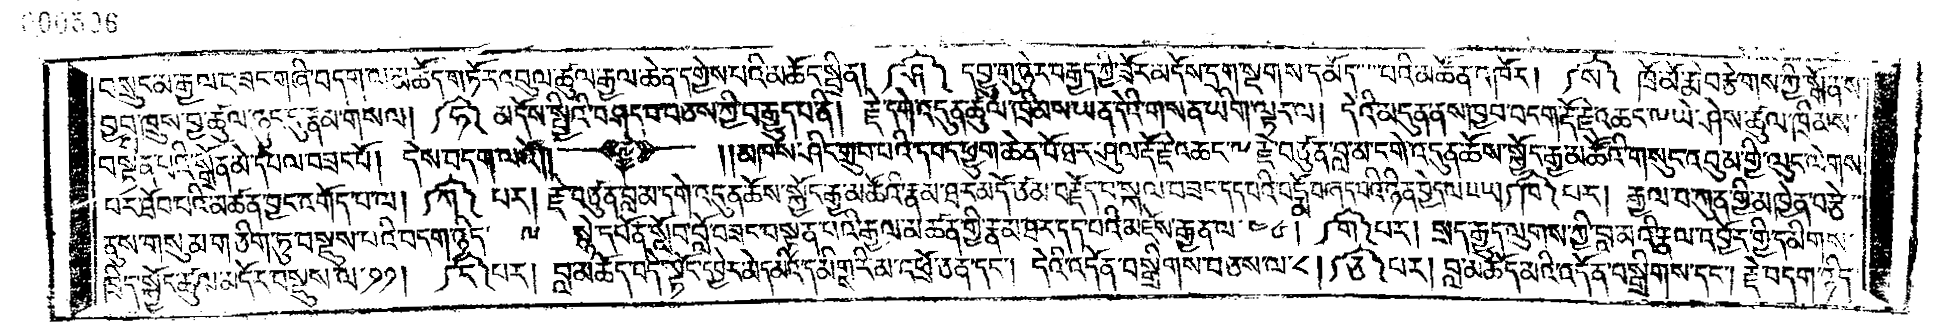བསྲུང་མ་རྒྱལ་བཟང་གཞི་བདག་ལ་མཆོད་གཏོར་འབུལ་ཚུལ་རྒྱལ་ཆེན་དགྱེས་པའི་མཆོད་སྦྲིན། ༼ཤ༽ དབྱུ་གུ་ཉེར་བརྒྱད་ཀྱི་ཟོར་མདོས་དྲག་སྔགས་དམོད་པའི་མཚོན་འཁོར། ༼ས༽ ཁྲོ་མོ་རྨེ་བརྩེགས་ཀྱི་སྒོ་ནས་
བྱབས་ཁྲུས་བྱ་ཚུལ་ཉུང་དུ་རྣམ་གསལ། ༼ཧ༽ མདོས་སྤྱིའི་བཤད་བ་བཅས་ཀྱི་བརྒྱུད་པ་ནི། རྗེ་དགེ་འདུན་ཚུལ་ཁྲིམས་ཡན་དེའི་གསན་ཡིག་ལྟར་ལ། དེའི་མདུན་ནས་ཁྱབ་བདག་རྡོ་རྗེ་འཆང ༧་ཡེ་ཤེས་ཚུལ་ཁྲིམས་
བསྟན་པའི་སྒྲོན་མེ་དཔལ་བཟང་པོ། དེས་བདག་ལའོ།། ༈ །།མཁས་ཤིང་གྲུབ་པའི་དབང་ཕྱུག་ཆེན་པོ་ཐར་ཤུལ་རྡོ་རྗེ་འཆང ༧རྗེ་བཙུན་བླ་མ་དགེ་འདུན་ཆོས་སྐྱོང་རྒྱ་མཚོའི་གསུང་འབུམ་གྱི་ལུང་ལེགས་
པར་ཐོབ་པའི་མཚན་བྱང་འགོད་པ་ལ། ༼ཀ༽ པར། རྗེ་བཙུན་བླ་མ་དགེ་འདུན་ཆོས་སྐྱོང་རྒྱ་མཚོའི་རྣམ་ཐར་མདོ་ཙམ་བརྗོད་པ་སྐལ་བཟང་དད་པའི་པདམོ་བཞད་པའི་ཉིན་བྱེད་ལ ༥༥། ༼ཁ༽ པར། རྒྱལ་བ་ཀུན་གྱི་མཁྱེན་བརྩེ་
ནུས་གསུམ་གཅིག་ཏུ་བསྡུས་པའི་བདག་ཉིད ༧་སྙེ་དཔོན་སློབ་བློ་བཟང་བསྟན་པའི་རྒྱལ་མཚན་གྱི་རྣམ་ཐར་དད་པའི་མཛེས་རྒྱན་ལ ༤༦། ༼ག༽ པར། སྲད་རྒྱུད་ལུགས་ཀྱི་བླ་མའི་རྣལ་འབྱོར་གྱི་དམིགས་
ཁྲིད་སྐྱོང་ཚུལ་མདོར་བསྡུས་ལ ༡༡། ༼ང༽ པར། བླ་མཆོད་བདེ་སྟོང་དབྱེར་མེད་མའི་དམིགས་རི་མ་འཕྲོ་ཅན་དང་། དེའི་འདོན་བསྒྲིགས་བཅས་ལ ༨། ༼ཅ༽ པར། བླ་མཆོད་མའི་འདོན་བསྒྲིགས་དང་། རྗེ་བདག་ཉིད་